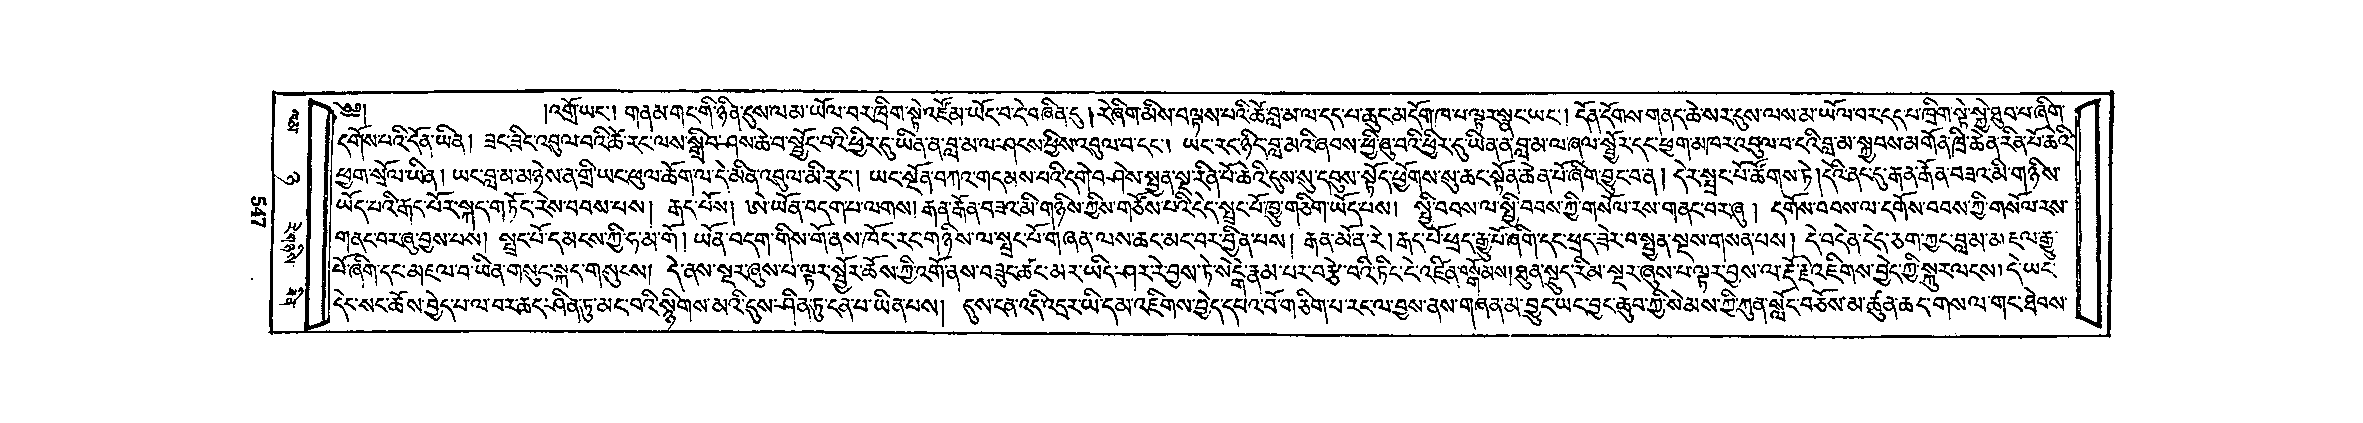༄༅། །འགྲོ་ཡང་། གནམ་གང་གི་ཉིན་དུས་ལམ་ཡོལ་བར་ཁྲིག་སྟེ་འཛོམ་ཡོང་བ་དེ་བཞིན་དུ། རེ་ཞིག་མིས་བལྟས་པའི་ཚེ་བླ་མ་ལ་དད་པ་ཆུང་མདོག་ཁ་པ་ལྟར་སྣང་ཡང་། དོན་དོགས་གནད་ཆེ་སར་དུས་ལས་མ་ཡོལ་བར་དད་པ་ཁྲིག་སྟེ་སྐྱེ་ཐུབ་པ་ཞིག་
དགོས་པའི་དོན་ཡིན། ཟང་ཟིང་འབུལ་བའི་ཚེ་རང་ལས་སྒྲིབ་ཤས་ཆེ་བ་སྦྱོང་བའི་ཕྱིར་དུ་ཡིན་ན་བླ་མ་ལ་ཤངས་ཕྱིས་འབུལ་བ་དང་། ཡང་རང་ཉིད་བླ་མའི་ཞབས་ཕྱི་ཞུ་བའི་ཕྱིར་དུ་ཡིན་ན་བླ་མ་ལ་ཞལ་སྦྱོར་དང་ཕྱག་མཁར་འབུལ་བ་ངའི་བླ་མ་སྐྱབས་མགོན་ཁྲི་ཆེན་རིན་པོ་ཆེའི་
ཕྱག་སྲོལ་ཡིན། ཡང་བླ་མ་མཉེས་ན་གྲི་ཡང་ཕུལ་ཆོག་ལ་དེ་མིན་འབུལ་མི་རུང་། ཡང་སྔོན་བཀའ་གདམས་པའི་དགེ་བཤེས་སྤྱན་སྔ་རིན་པོ་ཆེའི་དུས་སུ་དབུས་སྟོད་ཕྱོགས་སུ་ཆང་སྟོན་ཆེན་པོ་ཞིག་བྱུང་བ་ན། དེར་སྤྲང་པོ་ཚོགས་ཏེ། དེའི་ནང་དུ་རྒན་རྒོན་བཟའ་མི་གཉིས་
ཡོད་པའི་རྒད་པོར་སྐད་གཏོང་རེས་བབས་པས། རྒད་པོས། ཨེ་ཡོན་བདག་པ་ལགས། རྒན་རྒོན་བཟའ་མི་གཉིས་ཀྱིས་གཙོས་པའི་དེད་སྤྲང་པོ་ཁྱུ་གཅིག་ཡོད་པས། སྤྱི་བབས་ལ་སྤྱི་བབས་ཀྱི་གསོལ་རས་གནང་བར་ཞུ། དགོས་བབས་ལ་དགོས་བབས་ཀྱི་གསོལ་རས་
གནང་བར་ཞུ་བྱས་པས། སྤྲང་པོ་དམངས་ཀྱི་ཧ་མ་གོ །ཡོན་བདག་གིས་གོ་ནས་ཁོང་རང་གཉིས་ལ་སྤྲང་པོ་གཞན་ལས་ཆང་མང་བར་བྱིན་པས། རྒན་མོ་ན་རེ། རྒད་པོ་ཕྲད་རྒྱུ་པོ་ཞིག་དང་ཕྲད་ཟེར་བ་སྤྱན་སྔས་གསན་པས། དེ་བདེན་ངེད་ཅག་ཀྱང་བླ་མ་མཇལ་རྒྱུ་
པོ་ཞིག་དང་མཇལ་བ་ཡིན་གསུང་སྐད་གསུངས། དེ་ནས་སྔར་ཞུས་པ་ལྟར་སྦྱོར་ཆོས་ཀྱི་འགོ་ནས་བཟུང་ཚང་མར་ཡིད་ཤར་རེ་བྱས་ཏེ་སེངྒེ་རྣམ་པར་བརྩེ་བའི་ཏིང་ངེ་འཛིན་བསྒོམས། ཐུན་སྡུད་རིམ་སྔར་ཞུས་པ་ལྟར་བྱས་ལ་རྡོ་རྗེ་འཇིགས་བྱེད་ཀྱི་སྐུར་ལངས། དེ་ཡང་
དེང་སང་ཆོས་བྱེད་པ་ལ་བར་ཆད་ཤིན་ཏུ་མང་བའི་སྙིགས་མའི་དུས་ཤིན་ཏུ་ངན་པ་ཡིན་པས། དུས་ངན་འདི་འདྲར་ཡི་དམ་འཇིགས་བྱེད་དཔའ་བོ་གཅིག་པ་རང་ལ་བྱས་ནས་གཞན་མ་བྱུང་ཡང་བྱང་ཆུབ་ཀྱི་སེམས་ཀྱི་ཀུན་སློང་བཅོས་མ་ཚུན་ཆད་གསལ་གང་ཐེབས་